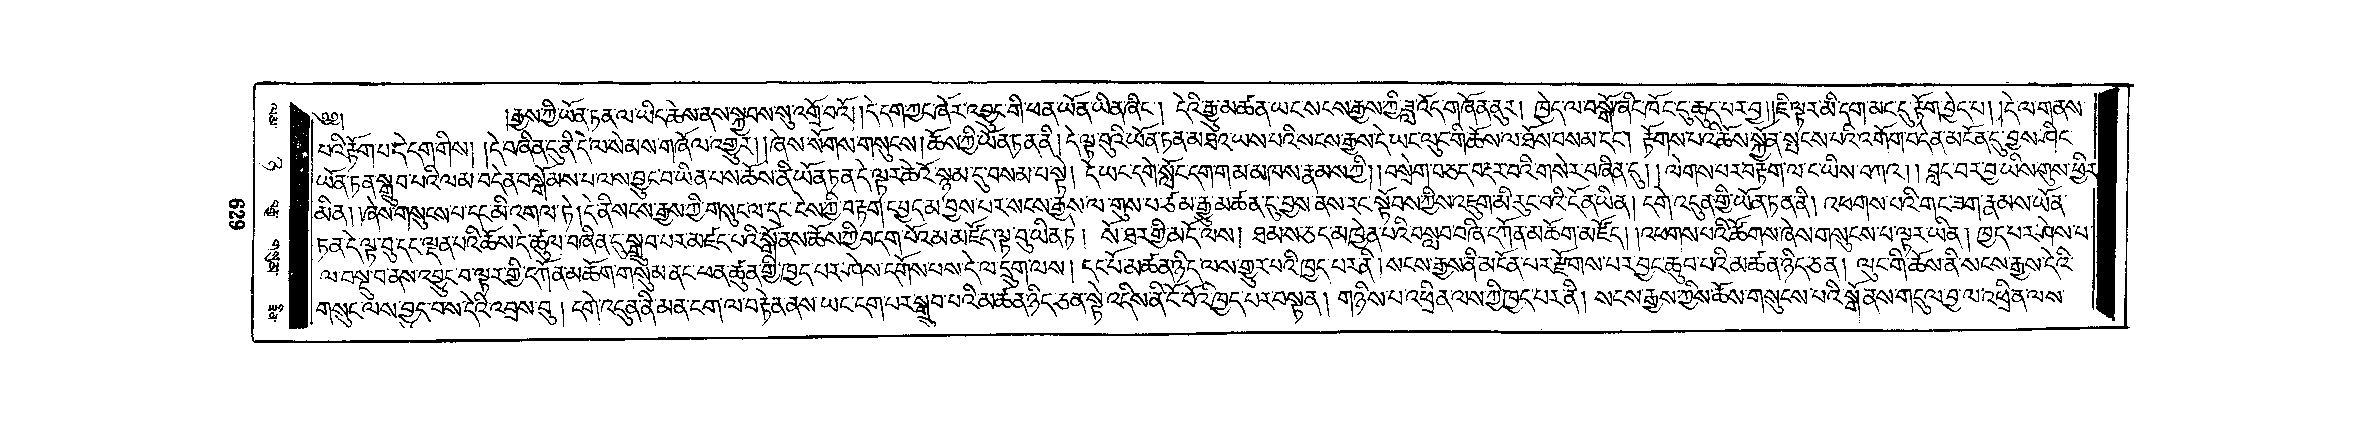༄༅། །རྒྱས་ཀྱི་ཡོན་ཏན་ལ་ཡིད་ཆེས་ནས་སྐྱབས་སུ་འགྲོ་བའོ། །དེ་དག་ཀྱང་ཞོར་འབྱུང་གི་ཕན་ཡོན་ཡིན་ཞིང་། དེའི་རྒྱུ་མཚན་ཡང་སངས་རྒྱས་ཀྱི་ཟླ་འོད་གཞོན་ནུར། ཁྱེད་ལ་བསྒོ་ཞིང་ཁོང་དུ་ཆུད་པར་བྱ། །ཇི་ལྟར་མི་དག་མང་དུ་རྟོག་བྱེད་པ། །དེ་ལ་གནས་
པའི་རྟོག་པ་དེ་དག་གིས། །དེ་བཞིན་དུ་ནི་དེ་ལ་སེམས་གཞོལ་འགྱུར། །ཞེས་སོགས་གསུངས། ཆོས་ཀྱི་ཡོན་ཏན་ནི། དེ་ལྟ་བུའི་ཡོན་ཏན་མཐའ་ཡས་པའི་སངས་རྒྱས་དེ་ཡང་ལུང་གི་ཆོས་ལ་ཐོས་བསམ་དང་། རྟོགས་པའི་ཆོས་སྐྱོན་སྤངས་པའི་འགོག་བདེན་མངོན་དུ་བྱས་ཤིང་
ཡོན་ཏན་སྒྲུབ་པའི་ལམ་བདེན་བསྒོམས་པ་ལས་བྱུང་བ་ཡིན་པས་ཆོས་ནི་ཡོན་ཏན་དེ་ལྟར་ཆེའོ་སྙམ་དུ་བསམ་པ་སྟེ། དེ་ཡང་དགེ་སློང་དག་གམ་མཁས་རྣམས་ཀྱི། །བསྲེག་བཅད་བརྡར་བའི་གསེར་བཞིན་དུ། །ལེགས་པར་བརྟག་ལ་ང་ཡིས་བཀའ། །བླང་བར་བྱ་ཡིས་གུས་ཕྱིར་
མིན། །ཞེས་གསུངས་པ་དང་མི་འགལ་ཏེ། དེ་ནི་སངས་རྒྱས་ཀྱི་གསུང་ལ་དྲང་ངེས་ཀྱི་བརྟག་དཔྱད་མ་བྱས་པར་སངས་རྒྱས་ལ་གུས་པ་ཙམ་རྒྱུ་མཚན་དུ་བྱས་ནས་རང་སྟོབས་ཀྱིས་འཇུག་མི་རུང་བའི་དོན་ཡིན། དགེ་འདུན་གྱི་ཡོན་ཏན་ནི། འཕགས་པའི་གང་ཟག་རྣམས་ཡོན་
ཏན་དེ་ལྟ་བུ་དང་ལྡན་པའི་ཆོས་དེ་ཚུལ་བཞིན་དུ་སྒྲུབ་པར་མཛད་པའི་སྒོ་ནས་ཆོས་ཀྱི་བདག་པོའམ་མཛོད་ལྟ་བུ་ཡིན་ཏེ། སོ་ཐར་གྱི་མདོ་ལས། ཐམས་ཅད་མཁྱེན་པའི་བསླབ་བཞི་དཀོན་མཆོག་མཛོད། །འཕགས་པའི་ཚོགས་ཞེས་གསུངས་པ་ལྟར་ཡིན། ཁྱད་པར་ཤེས་པ་
ལ་བསྡུ་བ་ནས་འབྱུང་བ་ལྟར་གྱི་དཀོན་མཆོག་གསུམ་ནང་ཕན་ཚུན་གྱི་ཁྱད་པར་ཤེས་དགོས་པས་དེ་ལ་དྲུག་ལས། དང་པོ་མཚན་ཉིད་ལས་གྱུར་པའི་ཁྱད་པར་ནི། སངས་རྒྱས་ནི་མངོན་པར་རྫོགས་པར་བྱང་ཆུབ་པའི་མཚན་ཉིད་ཅན། ལུང་གི་ཆོས་ནི་སངས་རྒྱས་དེའི་
གསུང་ལས་བྱུང་བས་དེའི་འབྲས་བུ། དགེ་འདུན་ནི་མན་ངག་ལ་བརྟེན་ནས་ཡང་དག་པར་སྒྲུབ་པའི་མཚན་ཉིད་ཅན་སྟེ་འདིས་ནི་ངོ་བོའི་ཁྱད་པར་བསྟན། གཉིས་པ་འཕྲིན་ལས་ཀྱི་ཁྱད་པར་ནི། སངས་རྒྱས་ཀྱིས་ཆོས་གསུངས་པའི་སྒོ་ནས་གདུལ་བྱ་ལ་འཕྲིན་ལས་